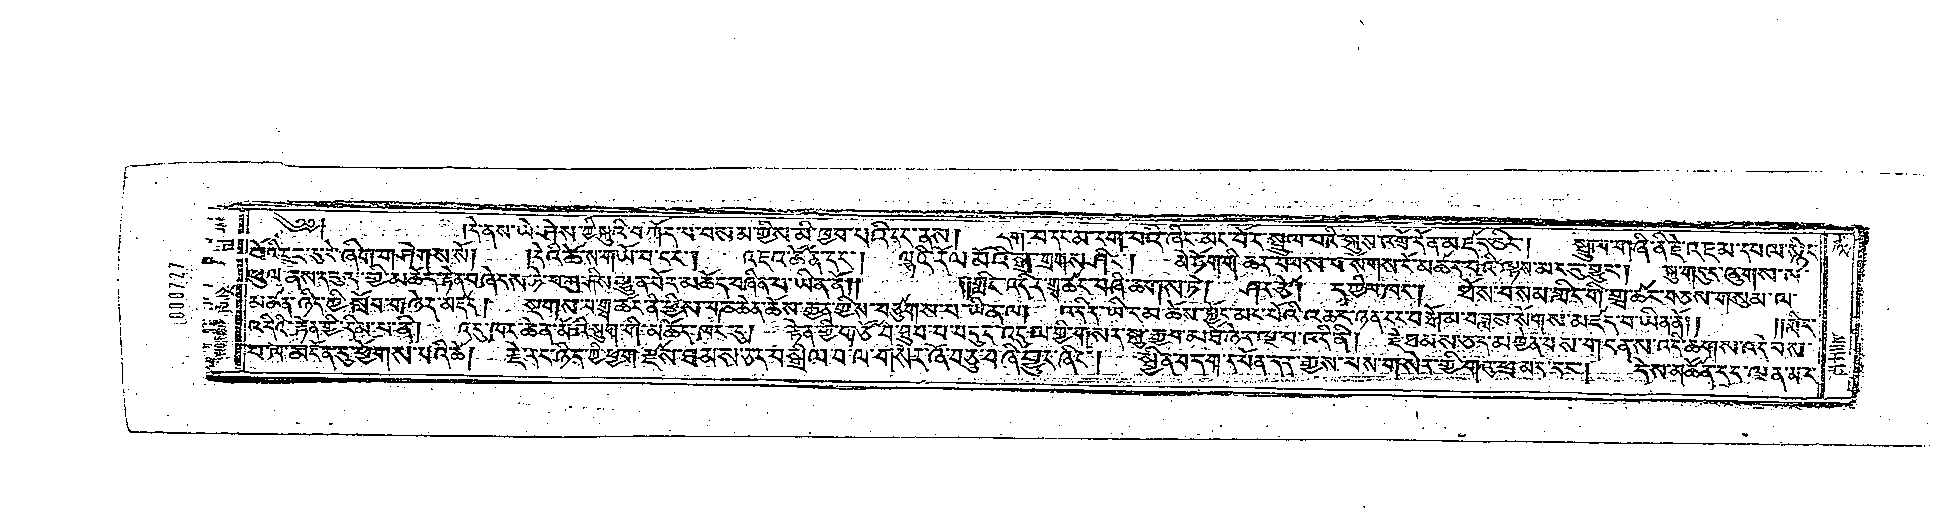༄༅། །དེ་ནས་ཡེ་ཤེས་ཀྱི་སྐུའི་བཀོད་པ་བསམ་གྱིས་མི་ཁྱབ་པའི་ངང་ནས། དག་པ་དང་མ་དག་པའི་ཞིང་མང་པོར་སྤྲུལ་པའི་སྐུས་འགྲོ་དོན་མཛད་ཅིང་། སྦྲུལ་གཞི་ནི་རྗེ་འཇམ་དཔལ་སྙིང་
པོའི་དྲུང་དུ་དེ་ཞིག་གཤེགས་སོ། །དེའི་ཚེས་གཡོ་བ་དང་། འཇའ་ཚོན་དང་། ལྷའི་རོལ་མོའི་སྒྲ་གྲགས་ཤིང་། མེ་ཏོག་གི་ཆར་བབས་པ་སོགས་ངོ་མཚར་བའི་ལྟས་མང་དུ་བྱུང་། སྐུ་གདུང་ཞུགས་ལ་
ཕུལ་ནས་དངུལ་གྱི་མཆོད་རྟེན་བཞེངས་ཏེ་བཀྲ་ཤིས་ལྷུན་པོར་མཆོད་བཞིན་པ་ཡིན་ནོ།། །།གླིང་འདིར་གྲྭ་ཚང་བཞི་ཆགས་ཏེ། ཤར་རྩེ། དཀྱིལ་ཁང་། ཐོས་བསམ་གླིང་གི་གྲྭ་ཚང་བཅས་གསུམ་ལ་
མཚན་ཉིད་ཀྱི་སློབ་གཉེར་མཛད། སྔགས་པ་གྲྭ་ཚང་ནི་ཕྱིས་པཎ་ཆེན་ཆོས་རྒྱན་གྱིས་བཙུགས་པ་ཡིན་ལ། འདིར་ཡི་དམ་ཆོས་སྐྱོང་མང་པོའི་འཆད་ཉན་དང་བསྒོམ་བཟླས་སོགས་མཛད་བ་ཡིན་ནོ།། །།གླིང་
འདིའི་རྟེན་གྱི་རིམ་པ་ནི། འདུ་ཁང་ཆེན་མོའི་སྦུག་གི་མཆོད་ཁང་དུ། རྟེན་གྱི་གཙོ་བོ་ཐུབ་པ་བདུད་འདུལ་གྱི་གསར་སྐྱ་རྒྱབ་མཐོ་ཉེར་ལྔ་པ་འདི་ནི། རྗེ་ཐམས་ཅད་མཁྱེན་པས་གདན་ས་འདི་ཆགས་འདེབས་
པ་ལ་མངོན་དུ་ཕྱོགས་པའི་ཚེ། རྗེ་རང་ཉིད་ཀྱི་ཕྱག་རྫས་ཐམས་ཅད་བསྒྲིལ་བ་ལ་གསེར་ཞོ་བཅུ་བཞི་བྱུང་ཞིང་། སྦྱིན་བདག་དཔོན་དར་རྒྱས་པས་གསེར་གྱི་གའུ་ཕྲ་མང་དང་། དེས་མཚོན་དང་ལྡན་མང་